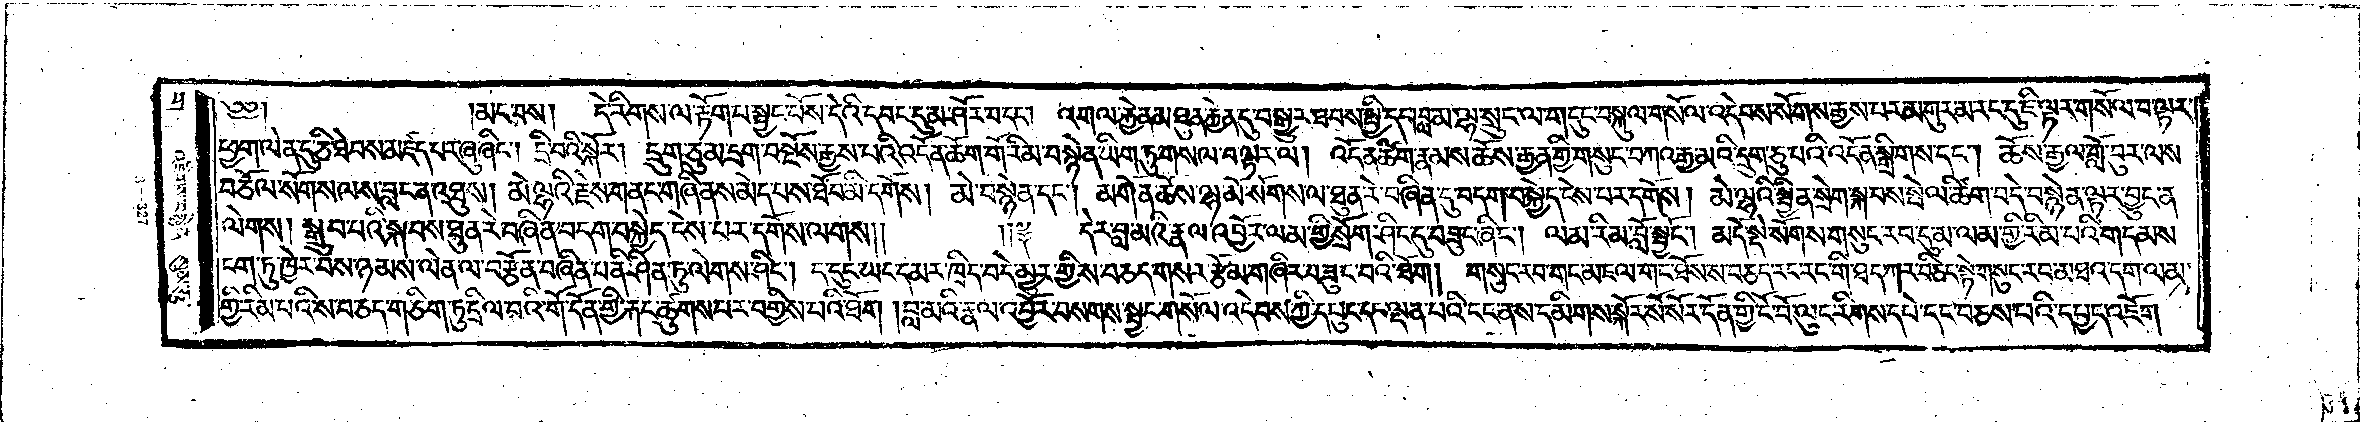༄༅། །མང་བས། དེ་རིགས་ལ་རྟོག་པ་སྦྱང་པོས་དེའི་དབང་དུ་མ་ཤོར་བ་དང་། འགལ་རྐྱེན་མཐུན་རྐྱེན་དུ་བསྒྱུར་ཐབས་སྤྱི་དང་། བླ་མ་ལྷ་སྲུང་ལ་གདུང་བསྐུལ་གསོལ་འདེབས་སོགས་རྒྱས་པར་མགུར་མ་རང་དུ་ཇི་ལྟར་གསོལ་བ་ལྟར་
ཕྱག་ལེན་དུ་ཅི་ཐེབས་མཛད་པར་ཞུ་ཞིང་། དྲི་བའི་སྐོར། དྲུག་ཅུ་མ་དྲག་བསྔོས་རྒྱས་པའི་འདོན་ཆོག་གོ་རིམ་བསྙེན་ཡིག་ཏུ་གསལ་བ་ལྟར་ལ། འདོན་ཚིག་རྣམས་ཆོས་རྒྱན་གྱི་གསུང་བཀའ་རྒྱ་མའི་དྲུག་ཅུ་པའི་འདོན་སྒྲིགས་དང་། ཆོས་རྒྱལ་གློ་བུར་ལས་
བཅོལ་སོགས་ལས་བླང་ན་འཐུས། མེ་ལྷའི་རྗེས་གནང་གཞི་ནས་མེད་པས་ཐོབ་མི་དགོས། མེ་བསྙེན་དང་། མགོན་ཆོས་ལྷ་མོ་སོགས་ལ་ཐུན་རེ་བཞིན་དུ་བདག་བསྐྱེད་ངེས་པར་དགོས། མེ་ལྷའི་སྦྱིན་སྲེག་སྐབས་སྤེལ་ཚིག་བདེ་བསྙེན་ལྟར་བྱུང་ན་
ལེགས། སྒྲུབ་པའི་སྐབས་ཐུན་རེ་བཞིན་བདག་བསྐྱེད་ངེས་པར་དགོས་ལགས།། །།༈ དེར་བླ་མའི་རྣལ་འབྱོར་ལམ་གྱི་སྲོག་ཤིང་དུ་བཟུང་ཞིང་། ལམ་རིམ་བློ་སྦྱོང་། མདོ་སྡེ་སོགས་གསུང་རབ་དུ་མ་ལམ་གྱི་རིམ་པའི་གདམས་
ངག་ཏུ་ཁྱེར་པས་ཉམས་ལེན་ལ་བརྩོན་བཞིན་པ་ནི་ཤིན་ཏུ་ལེགས་ཤིང་། ད་དུང་ཡང་དམར་ཁྲིད་བདེ་མྱུར་གྱིས་བཅད་གསར་རྩོམ་གཞིར་བཟུང་བའི་ཐོག ། གསུང་རབ་གང་མཐལ་གང་ཐོས་ས་བཅད་རང་རང་གི་ཐད་ཀར་བཅིང་སྟེ་གསུང་རབ་མཐའ་དག་ལམ་
གྱི་རིམ་པའི་ས་བཅད་གཅིག་ཏུ་དྲིལ་པའི་གོ་དོན་གྱི་རྐང་ཚུགས་པར་བགྱིས་པའི་ཐོག །བླ་མའི་རྣལ་འབྱོར་བསགས་སྦྱང་གསོལ་འདེབས་ཀྱི་དཔུང་དང་ལྡན་པའི་ངང་ནས་དམིགས་སྐོར་སོ་སོར་དོན་གྱི་ངོ་བོ་ལུང་རིགས་དཔེ་དང་བཅས་པའི་དཔྱད་འཇོག་